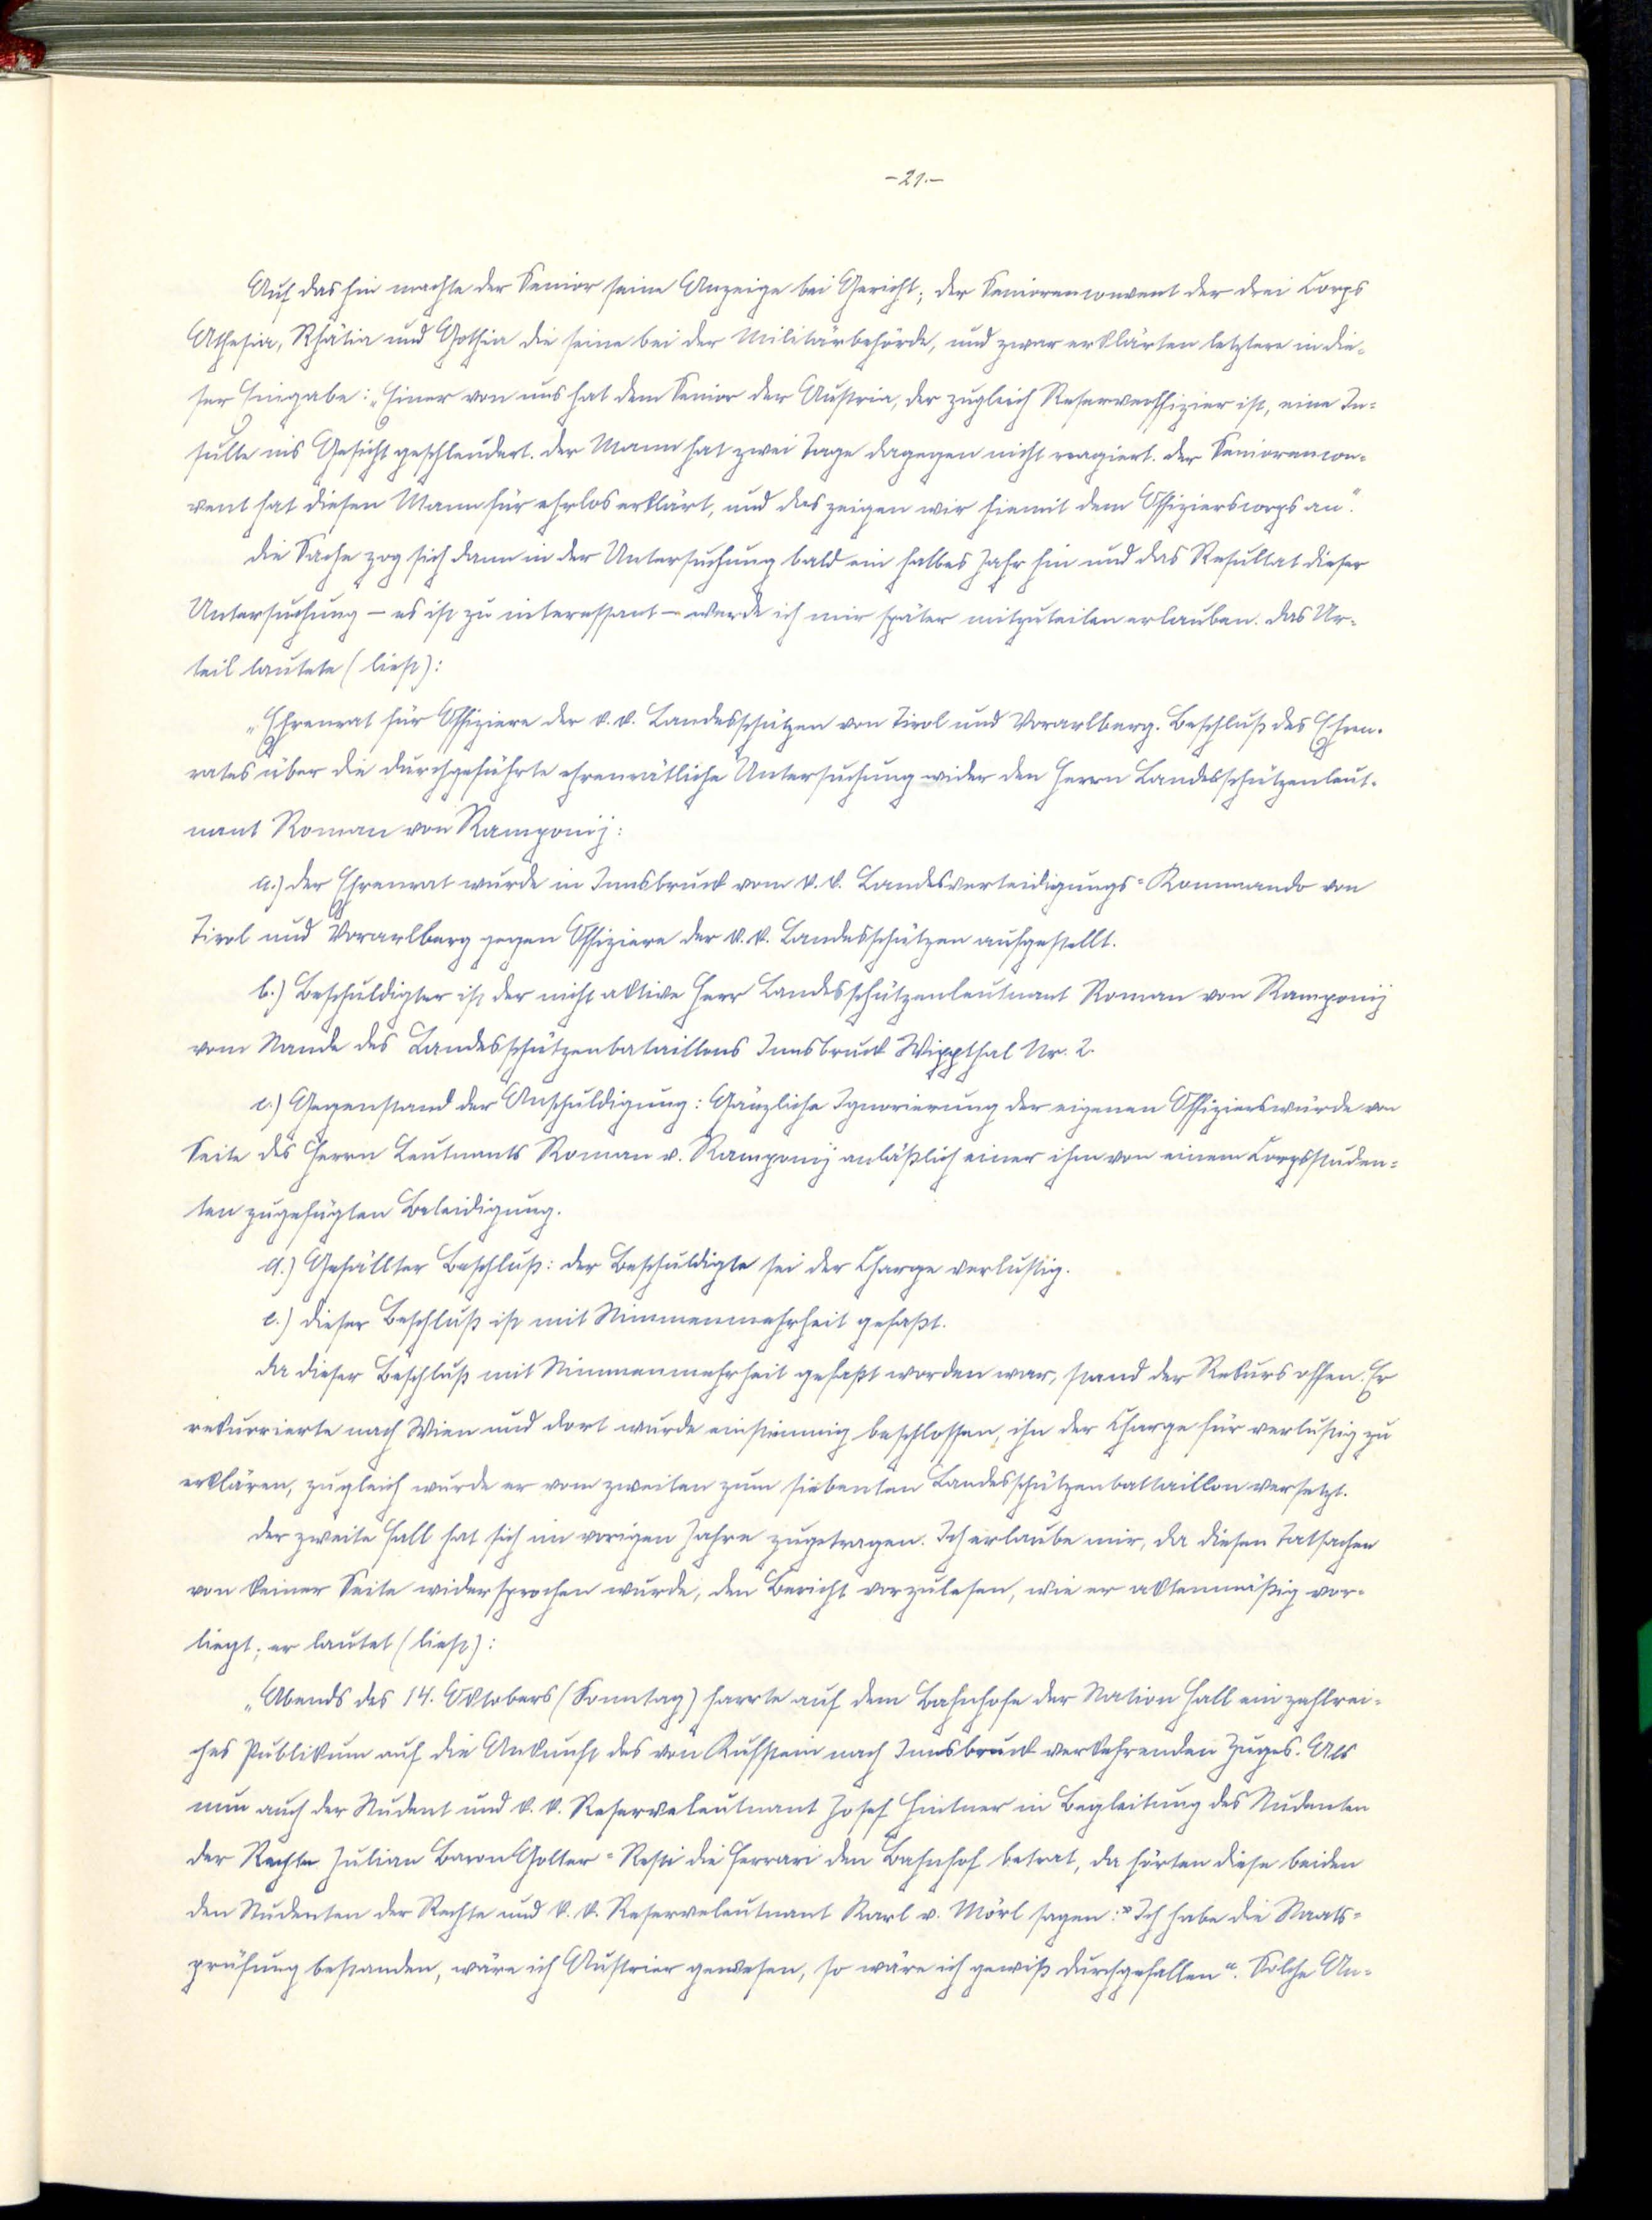21.
Auf das hin machte der Senior seine Anzeige bei Gericht; dem Seniorenconvent der drei Corps
Athesia, Rhätia und Gothia die seine bei der Militärbehörde, und zuvor erklärte letztere in die-
ser Eingabe; Einer von uns hat dem Senior der Austria der zugleich Reserveoffizier ist, eine In-
sulte ins Gesicht geschleudert. Der Mann hat zwei Tage dagegen nicht reagiert. Der Seniorenvon-
vent hat diesen Mann für ehrlos erklärt, und das zeigen wir hiermit dem Offizierscorps an".
Die Sache zog sich dann in der Untersuchung bald ein halbes Jahr hin und das Resultat dieser
Untersuchung - es ist zu interessant - werde ich mir später mitzuteilen erlauben. Das Ur-
teil lautete (liest):
Ehrenrat für Offiziere der k.k. Landesschützen von Tirol und Vorarlberg, Beschluss des Ehren-
rates übes die durchgeführte ehrenrätliche Untersuchung wieder den Herrn Landesschützenleut-
nant Roman von Ramponij:
a.) Der Ehrenrat wurde in Innsbruck vom k.k. Landesverteidigungs-Kommando von
Tirol und Vorarlberg gegen Offiziere der k.k. Landesschützen aufgerollt.
b.) Beschuldigter ist der nicht Aktive Herr Landeschützenleutnant Roman von Ramponij
vom Stande des Landesschützenbataillons Innsbruck Wippthal Nr.2
c.) Gegenstand der Anschuldigung: Gänzliche Ignorierung der eigenen Offizierswürde von
Seite des Herrn Leutnants Roman v. Rompanij anläßlich einer ihm von einem Corpsstuden-
ten zugefügten Beleidigung.
d.) Gefällter Beschluß: Der Beschuldigte sei der Charge verlustig.
e.) Dieser Beschluss ist mit Stimmenmehrheit gefaßt.
Da dieser Beschluss mit Stimmenmehrheit gefaßt worden war, stand der Rekurs offen. Er
rekursierte nach WIen und dort wurde einstimmig beschlossen, ihn der Charge für verlustig zu
erklären, zugleich wurde er vom zweiten zum siebenten Landesschützenbataillon versetzt.
Der zweite Fall hat sich im vorigen Jahre zugetragen . Ich erlaube mit, da diese Tatsache
von keiner Seite wiedersprochen wurde, den Bericht vorzulesen, wie er aktenmäßig vor-
liegt; er lautet (ließt):
"Abends des 14. Oktobers (Sonntag) harrte auf dem Bahnhof der Station Hall ein zahlreic-
hes Publikum auf die Ankunft das von Kufstein nach Innsbruck verkehrenden Zuges. Als
nun auch der Student und k.k. Reserveleutnant Josef Hintner in Begleitung des Studenten
der Rechte Julian Baron Golter-Resti di Ferrari den Bahnhof betrat, da hörten diese beiden
den Studenten der Rechte und k.k Reserveleutnant Karl v. Mörl sagen: "Ich habe die Staats-
prüfung bestanden, wäre ich Austrier gewesen, so wäre ich gewiss durchgefallen." Solche An-